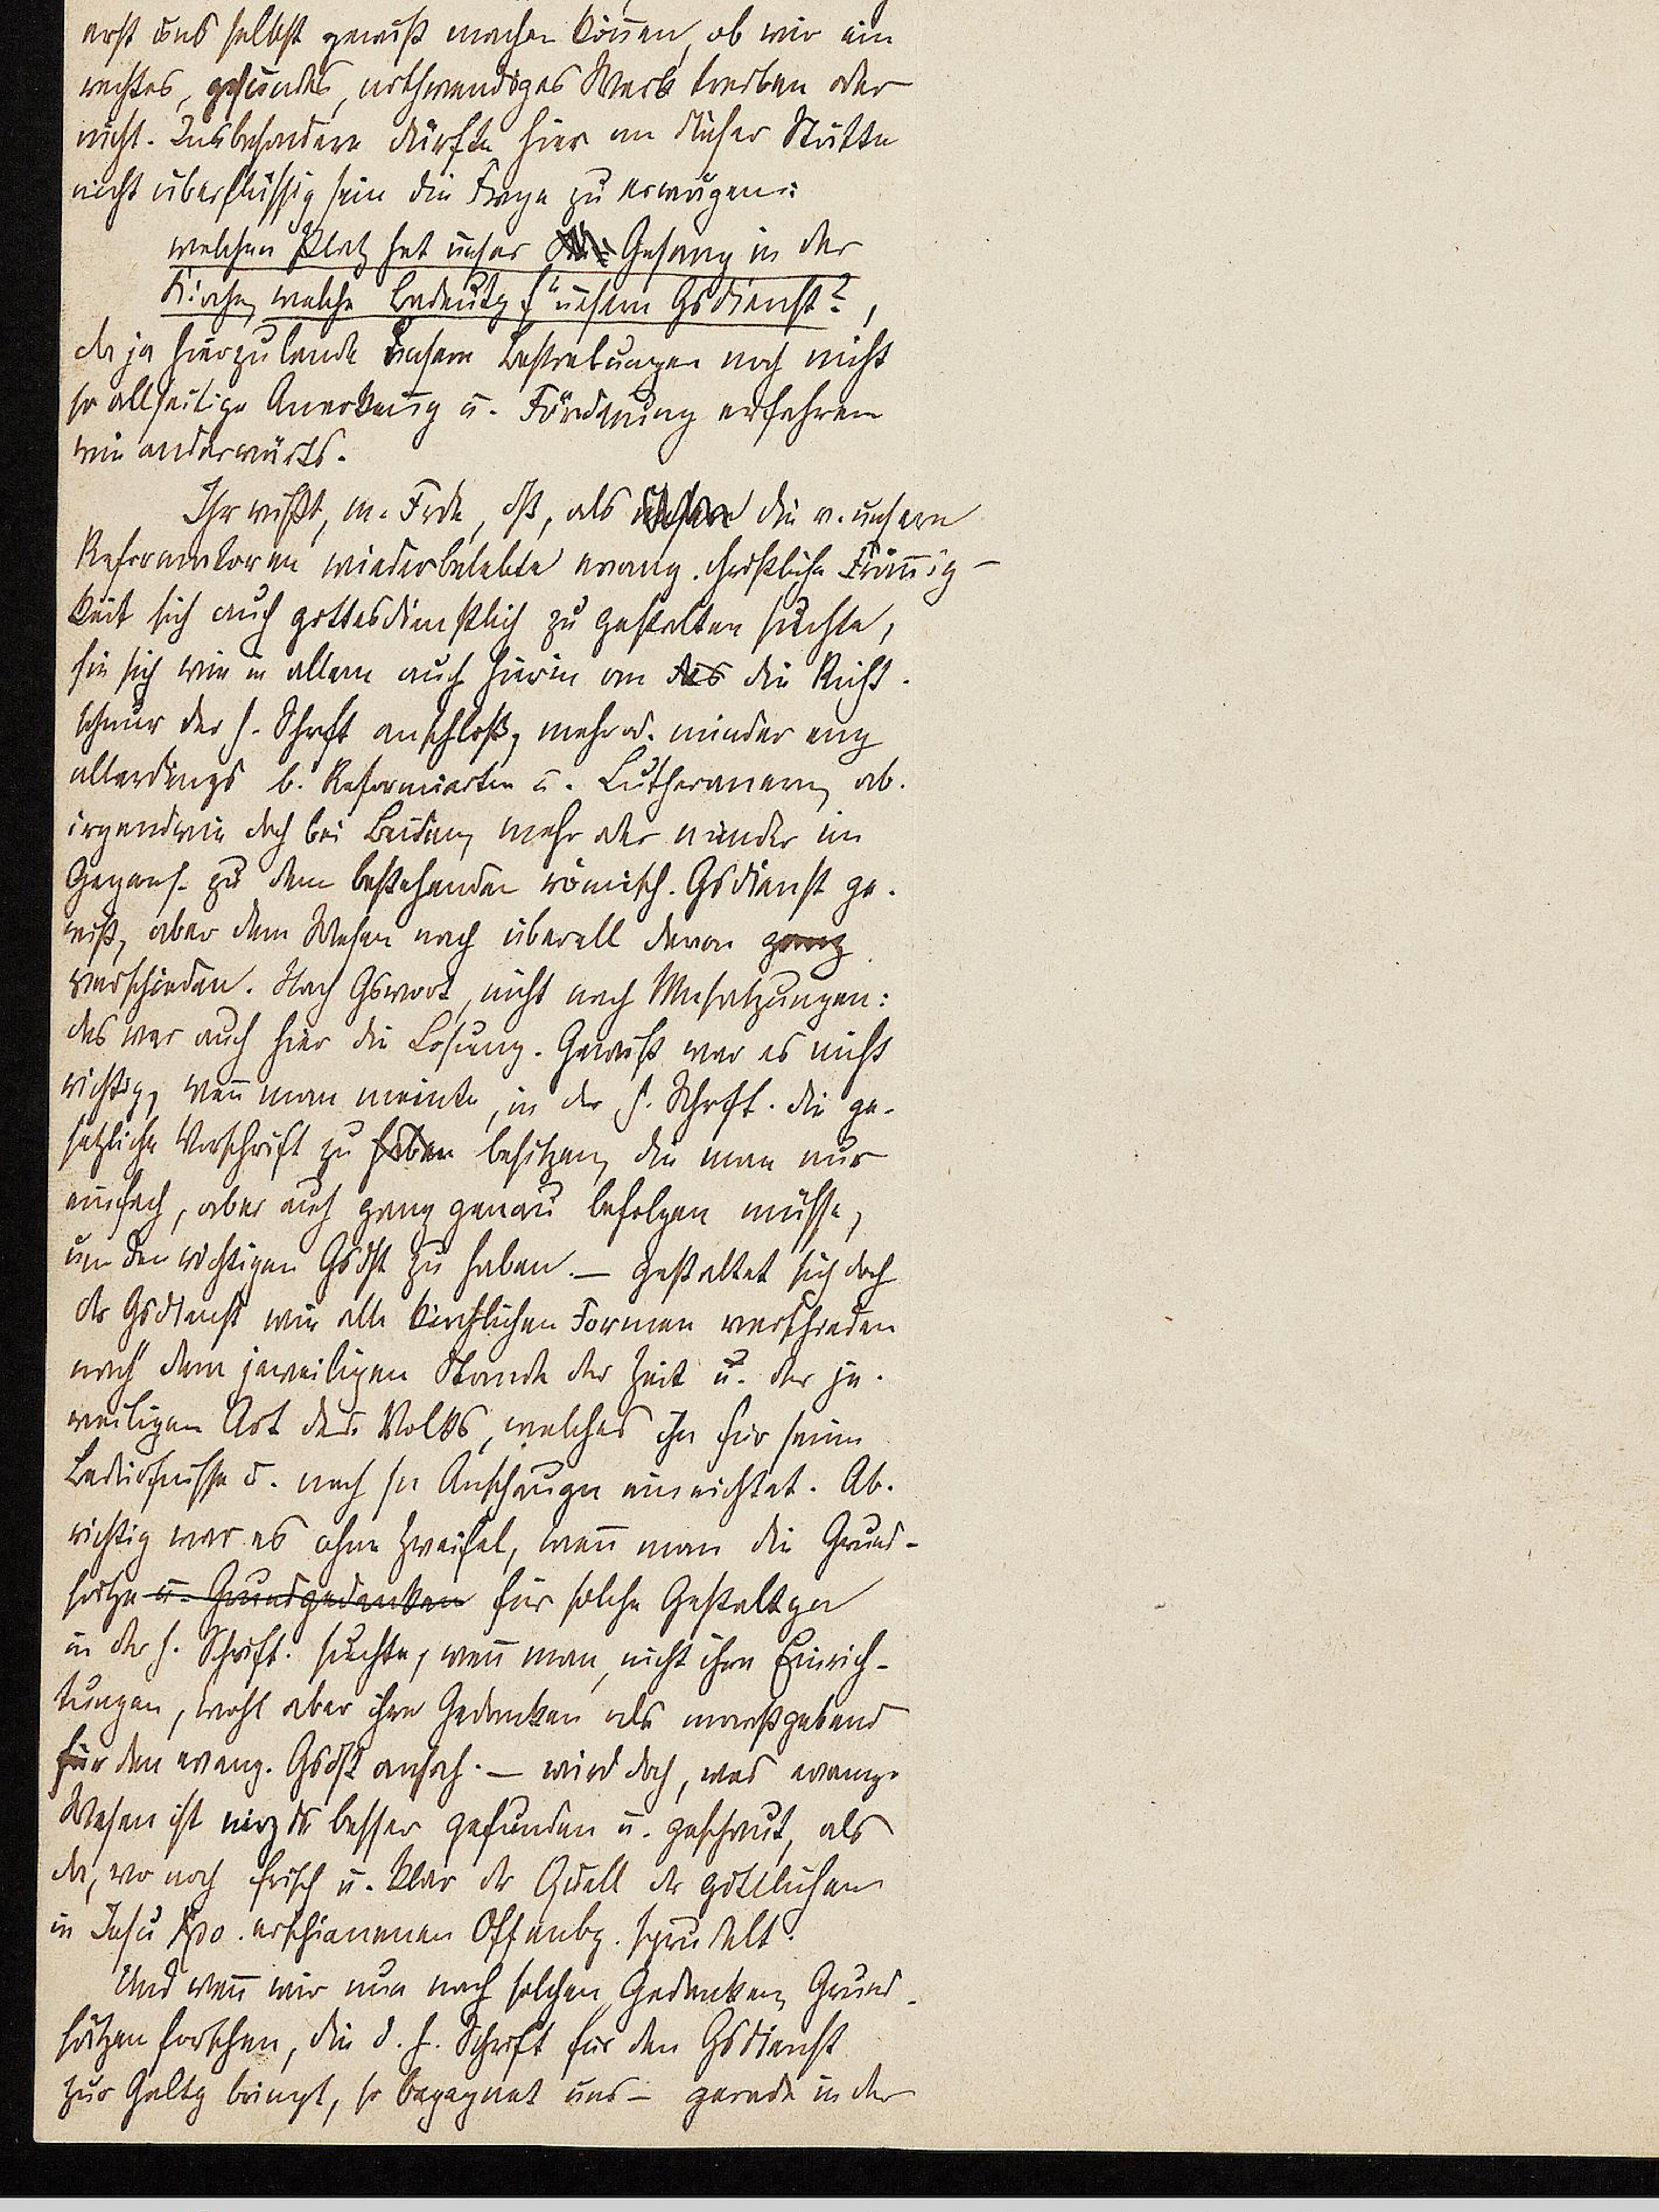erst uns selbst gewiß machen könen, ob wir ein
rechtes, gesundes, nothwendiges Werk treiben oder
nicht. Insbesondere dürfte hier an dieser Stätte
nicht überflüssig sein die Frage zu erwägen:
welchen Platz hat unser Kn- Gesang in der
Kirche, welche Bedeutg fü unsern Gsdienst?
da ja hierzulande unsere Bestrebungen noch nicht
so allseitige Anerkeng u. Förderung erfahren
wie anderwärts..
In wißt, m. Frde, daß, als unsere die v. unsern
Reformatoren wiederbelebte evang. christliche Frömig¬
keit sich auch gottesdienstlich zu gestalten suchte,
sie sich wie in allem auch hierin an das die Richt¬
schnur der H. Schrift anschloß, mehr o. minder eng
allerdings b. Reformierten u. Lutheranen, ab.
irgendwie doch bei Beiden, mehr oder minder im
Gegens. zu dem bestehenden römisch. Gsdienst ge¬
wiß, aber dem Wesen nach überell davon ganz
verschieden. Nach Gswort, nicht nach Mnschzungen:
das war auch hier die Losung. Gewiß war es nicht
wichtig, wen man meinte, in der h. Schrift. die ge¬
setzliche Vorschrift zu haben besitzen, die man nur
einfach, aber auch ganz genau befolgen müsse,
um den richtigen Gsdienst zu haben. _ gestaltet sich doch
dr Gsdienst wie alle kirchlichen Formen verschieden
nach dem jeweiligen Stande der Zeit u. der je¬
weiligen Art des Volks, welches ihn für seine
Bedürfnisse u. nach sn Anschaugn einrichtet. Ab.
richtig war es ohne Zweifel, wen man die Grund¬
sätze u. Grundgedanken für solche Gestaltgn
in der h. Schrift. suchte, wen man, nicht ihre Einrich¬
tungen, wohl aber ihre Gedanken als maaßgebend
fur den evang. Gsdst ansah._ wird doch, was evang.
Wesen ist eig ds besser gefunden u. geschaut, als
da, wo noch frisch u. klar der Quell der göttlichen
in Jesu Χρo erschienenen Offenbg. handelt.
Und wen wir nun nach solchen Gedanken Grund¬
sätzen forschen, die d. h. Schrift für den Gsdienst
zur Geltg bringt, so begegnet uns - gerade in der